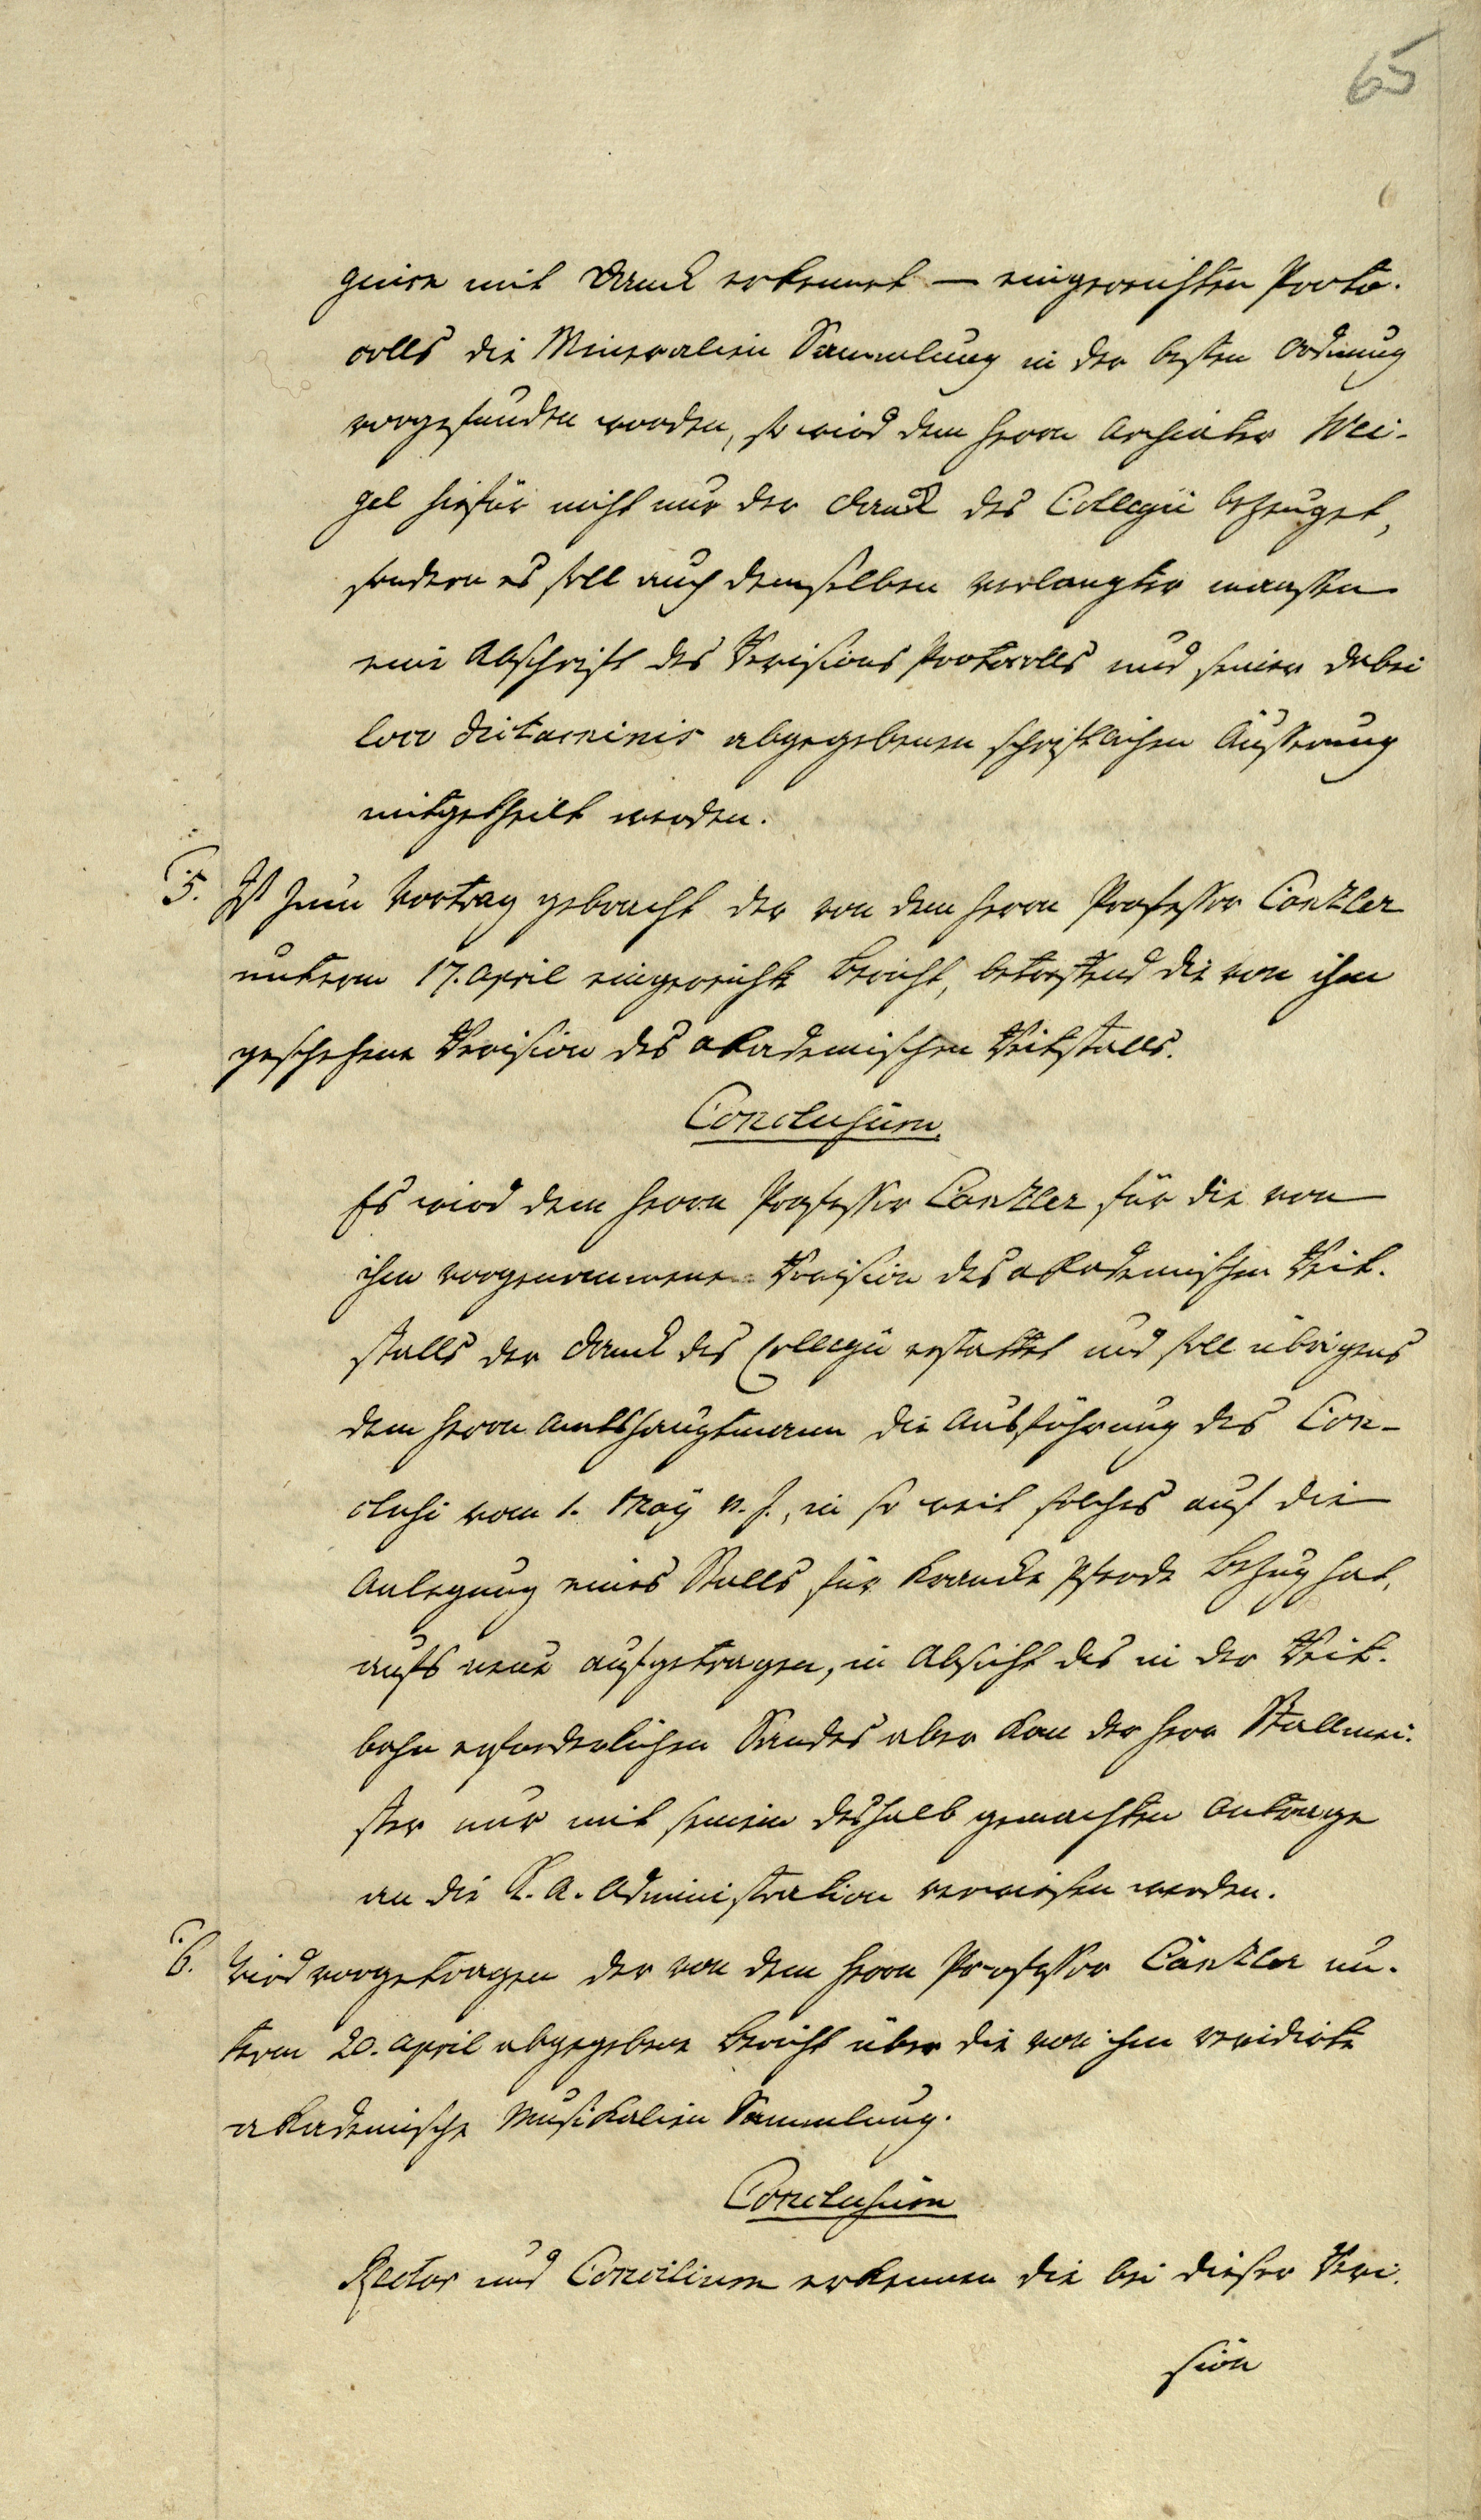gium mit Danck erkennet eingereichten Proto¬
colls die Mineralien Sammlung in der besten Ordnung
vorgefunden worden, so wird dem Herrn Archiater Wei¬
gel hiefür nicht nur der Danck des Collegii bezeuget,
sondern es soll auch demselben verlangter maassen
eine Abschrift des Revisions Protocolls und seiner dabei
loco dictaminis abgegebenen schriftlichen Äusserung
mitgetheilt werden.
5. Ist zum Vortrag gebracht der von dem Herrn Professor Canzler
unterm 17. April eingereichte Bericht, betreffend die von ihm
geschehene Revision des akademischen Reitstalls.
Conclusum.
Es wird dem Herrn Professor Canzler für die von
ihm vorgenommene Revision des akademischen Reit¬
stalls der Danck des Collegii erstattet und soll übrigens
dem Herrn Amtshauptmann die Ausführung des Con¬
clusi vom 1. Maÿ v. J., in so weit solches auf die
Anlegung eines Stalls für krancke Pferde Bezug hat,
aufs neue aufgetragen, in Absicht des in der Reit¬
bahn erforderlichen Sandes aber kan der Herr Stallmei¬
ster nur mit seinem deshalb gemachten Antrage
an die K. A. Administration verwiesen werden.
6. Wird vorgetragen der von dem Herrn Professor Canzler un¬
term 20. April abgegebene Bericht über die von ihm revidirte
akademische Musikalien Sammlung.
Conclusum
Rector und Concilium erkennen die bei dieser Revi¬
sion